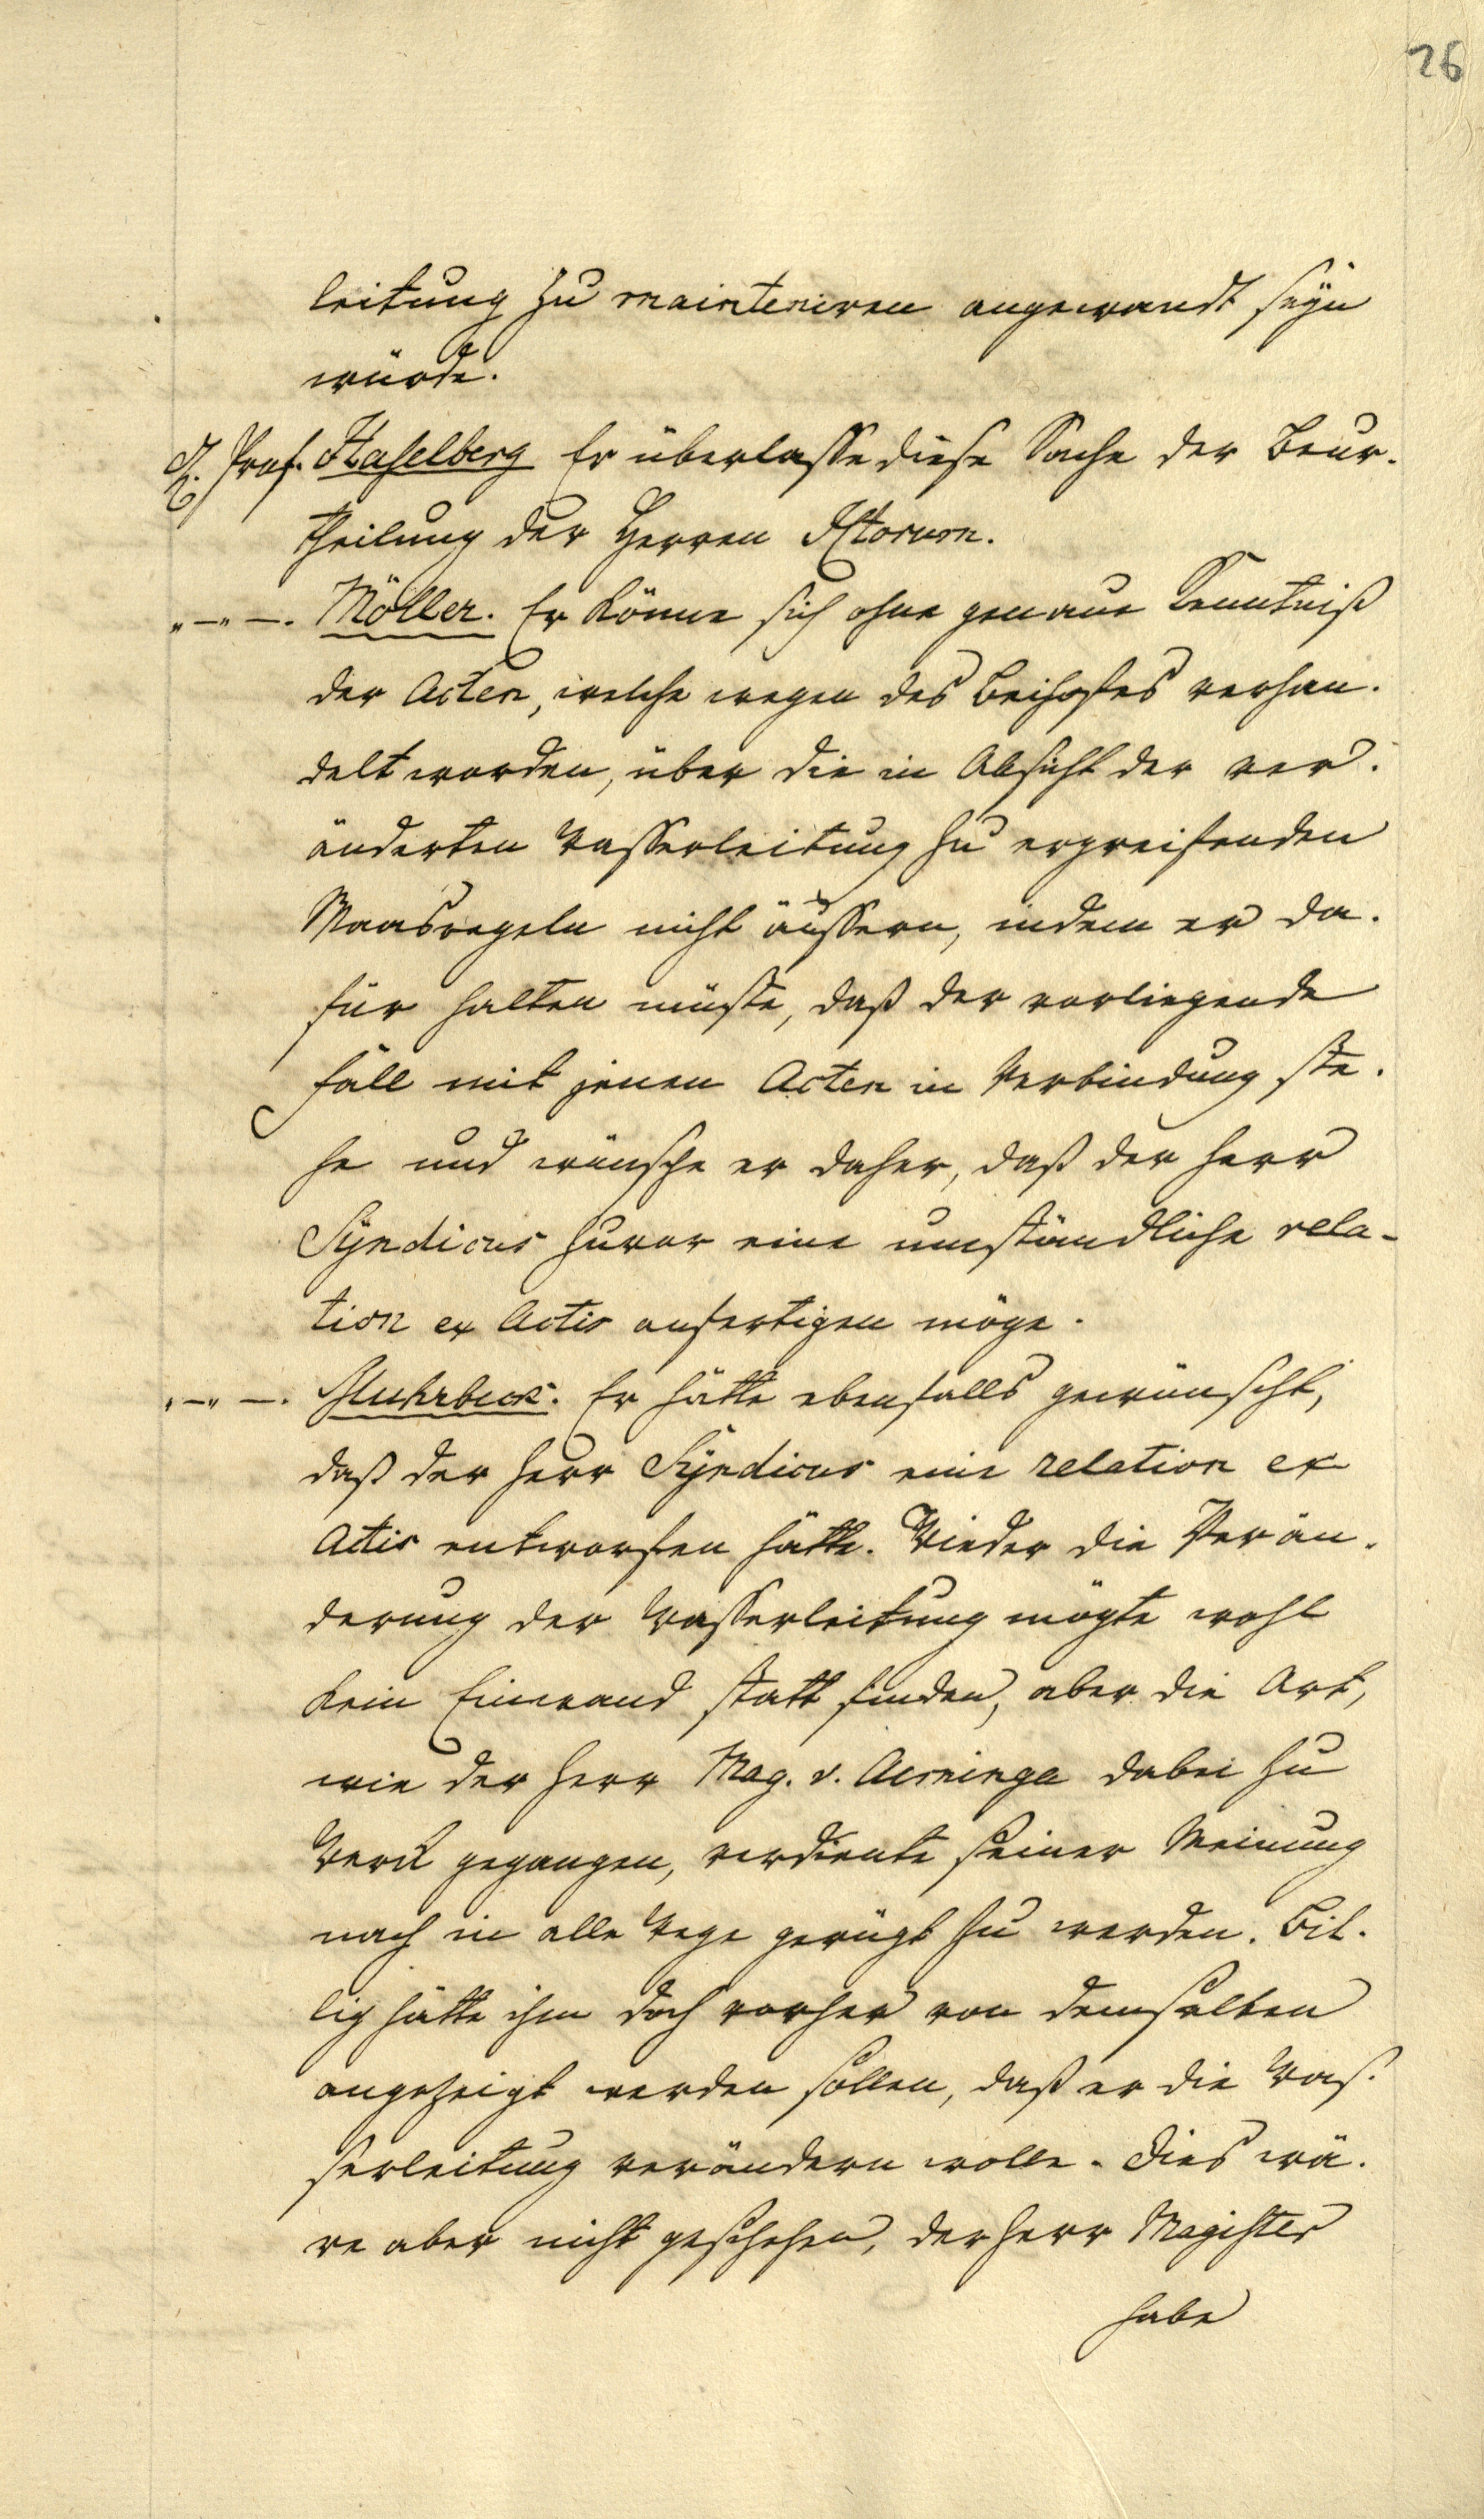leitung zu mainteniren angewandt seyn
würde.
dh. Prof. Haselberg Er überlasse diese Sache der Beur-
theilung der Herren Ictorum.
" - " - " Möller. Er könne sich ohne genaue Kenntniß
der Acten, welche wegen des Beihofes verhan-
delt worden, über die in Absciht der ver-
änderten Wasserleitung zu ergreifenden
Maasregeln nicht äussern, indem er da-
für halten müßte, daß der vorliegende
Fall mit jenen Acten in Verbindung ste-
he und wünsche er daher, daß der Herr
Syndicus zuvor eine umständliche rela-
tion ex Actis anfertigen möge.
" - " - " Muhrbeck: Er hätte ebenfalls gewünscht,
daß der Herr Syndicus eine relation ex
Actis entworfen hätte. Wieder die Veränd-
derung der Wasserleitung mögte wohl
kein Einwand stattfinden, aber die Art,
wie der Herr Mag. v. Aeminga dabei zu
Werck gegangen, verdiente seiner Meinung
nach in alle Wege gerügt zu werden. Bil-
lig hätte ihm doch vorher von demselben
angezeigt werden sollen, daß er die Was-
serleitung verändern wolle. Dies wä-
re aber nicht geschehen, der Herr Magister
habe